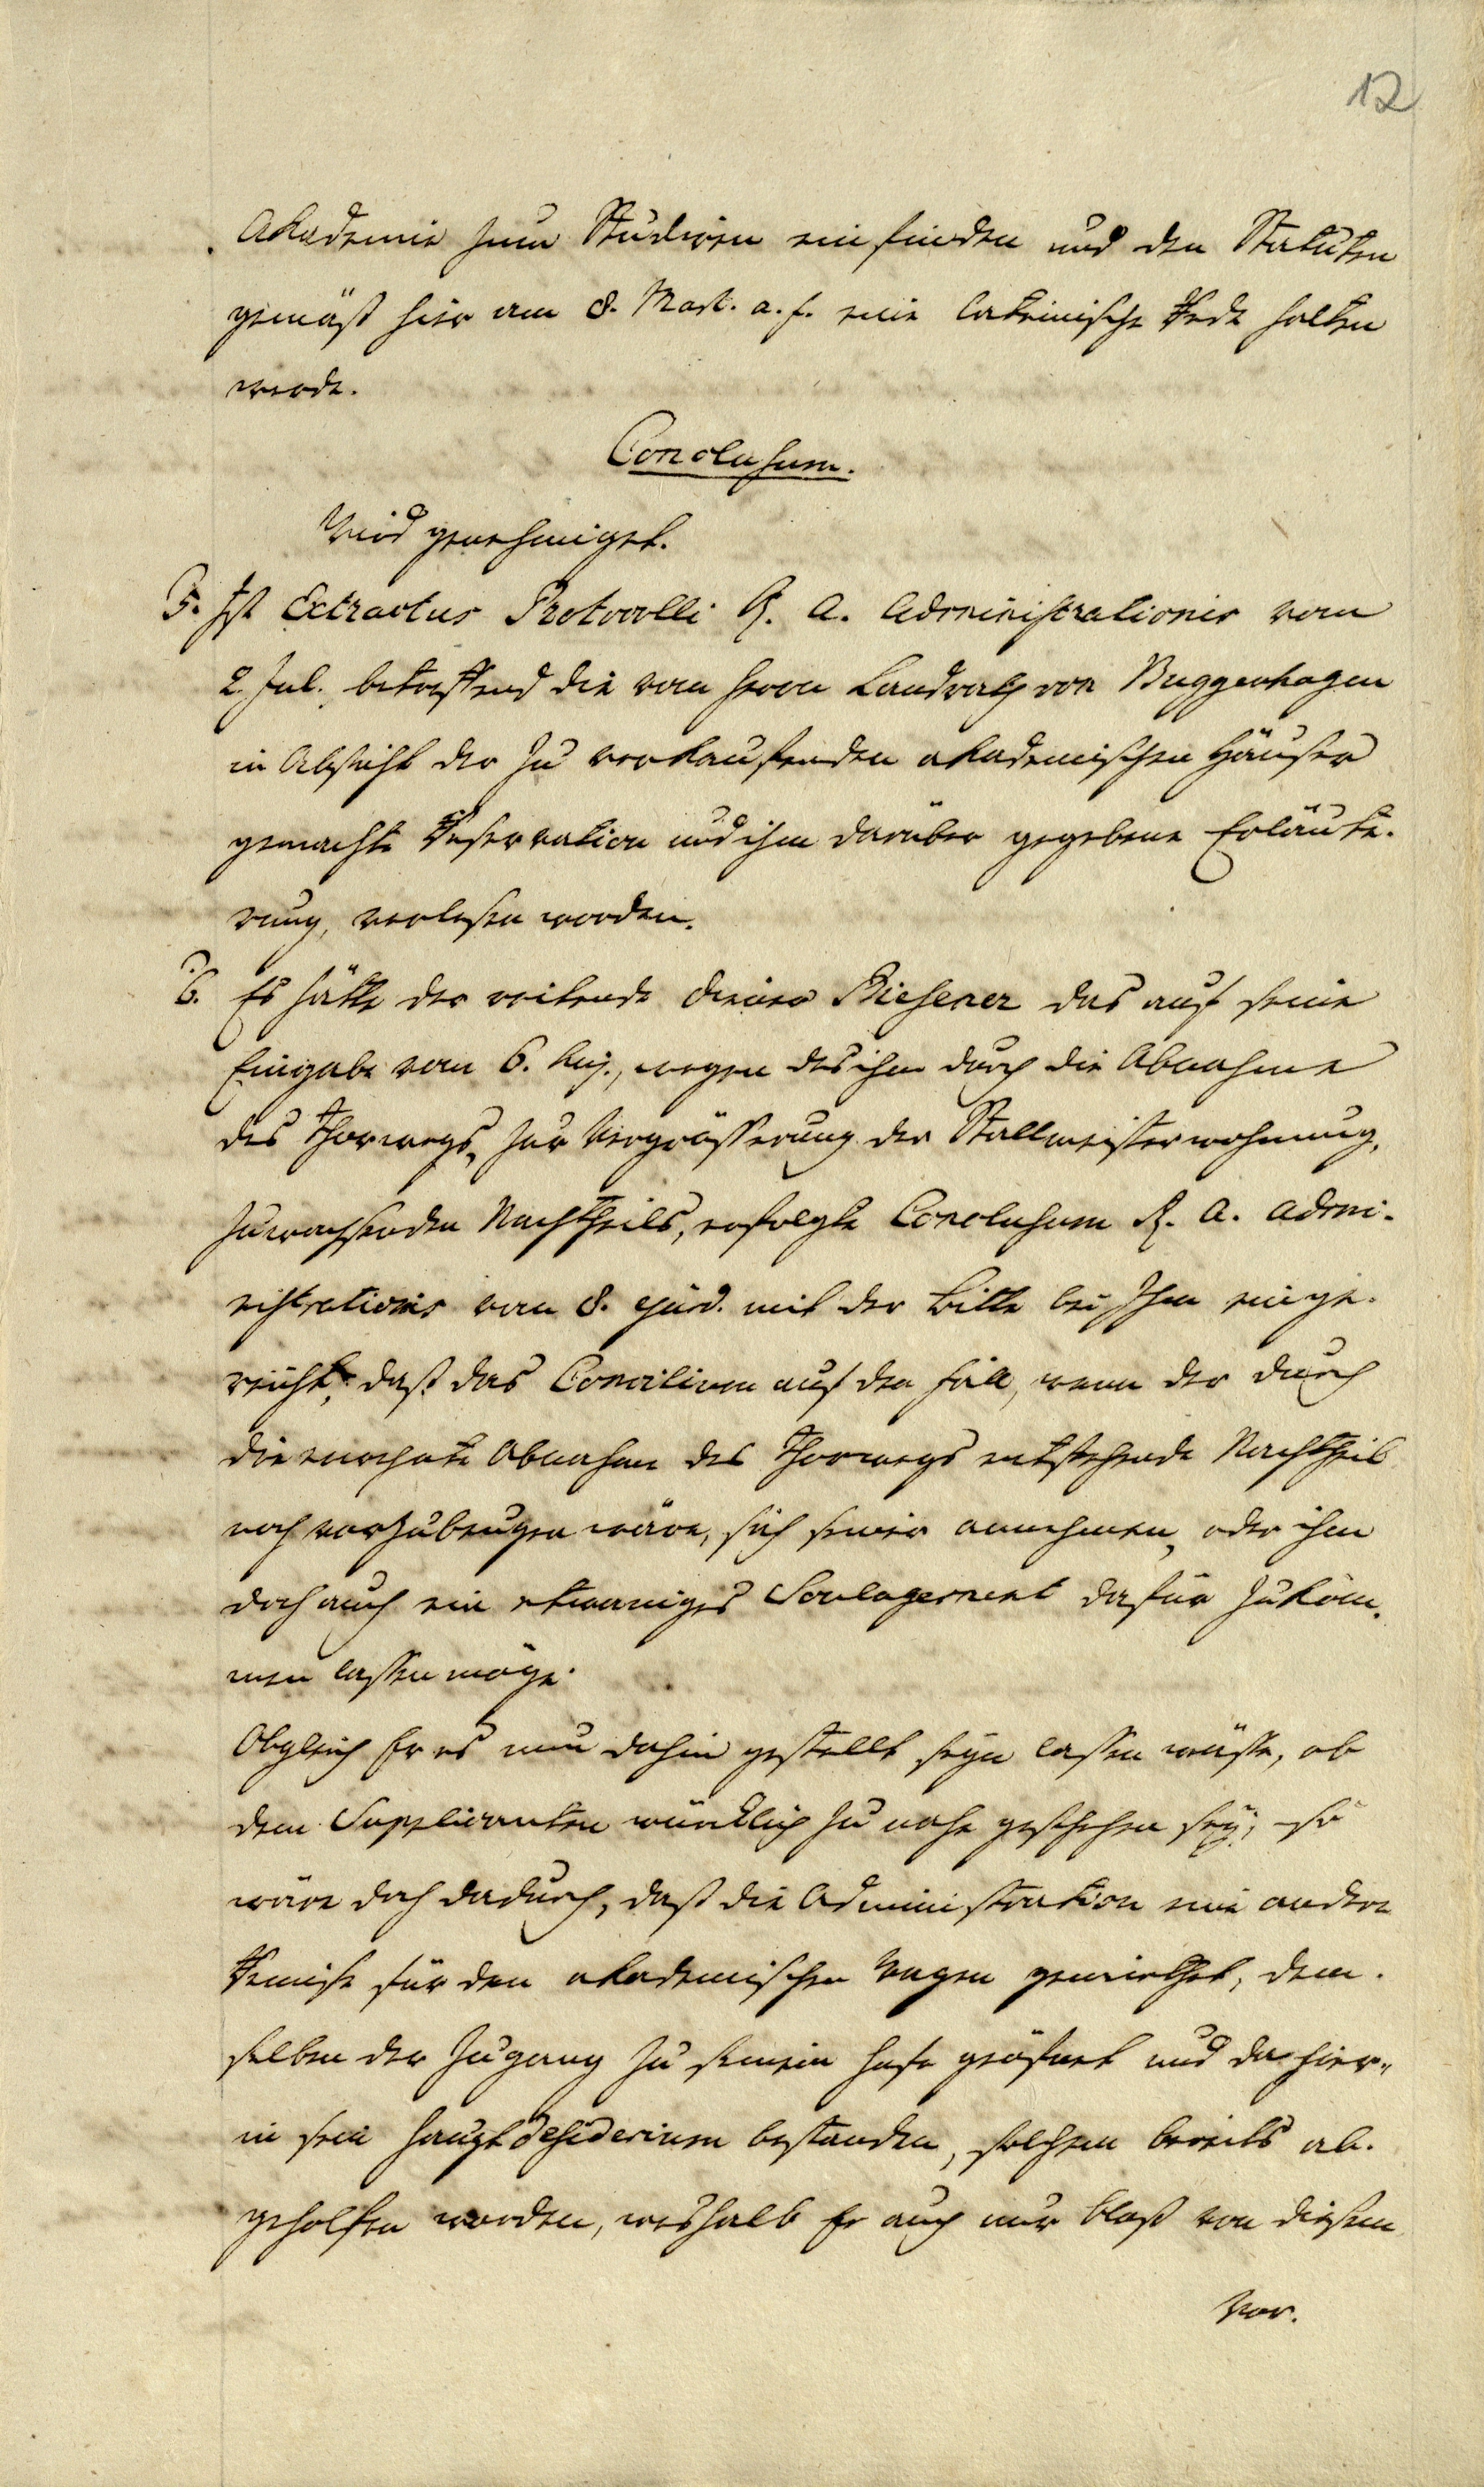Akademie zum Studiren einfinden und den Statuten
gemäß hier am 8. Mart. a. f. eine lateinische Rede halten
werde.
Conclusum.
Wird genehmiget.
5. Ist Extractus Protocolli K. A. Administrationis vom
2. Jul. betreffend die vom Herrn Landrath von Buggenhagen
in Absicht der zu verkaufenden akademischen Häuser
gemachte Reservation und ihm darüber gegebene Erläute¬
rung, verlesen worden.
6. Es hätte der reitende Diener Biesener das auf seine
Eingabe vom 6. huj., wegen des ihm durch die Abnahme
des Thorwegs, zur Vergrösserung der Stallmeisterwohnung,
zuwachsenden Nachtheils, erfolgte Conclusum K. A. Admi¬
nistrationis von 8. ejusd. mit der Bitte bei Ihm einge¬
reicht, daß das Concilium auf den Fall, wenn der durch
die erwehnte Abnahme des Thorwegs entstehende Nachtheil
noch vorzubeugen wäre, sich seiner annehmen, oder ihm
doch auch ein etwaniges Soulagement dafür zukom¬
men lassen möge.
Obgleich Er es nun dahin gestellt seÿn lassen müsse, ob
dem Supplicanten würcklich zu nahe geschehen seÿ, so
wäre doch dadurch, daß die Administration eine andere
Remise für den akademischen Wagen gemiethet, dem¬
selben der Zugang zu seinem Hofe geöffnet und da hier¬
in sein Hauptdesiderium bestanden, solchem bereits ab¬
geholfen worden, weshalb Er auch nur bloß von diesem
Vor¬